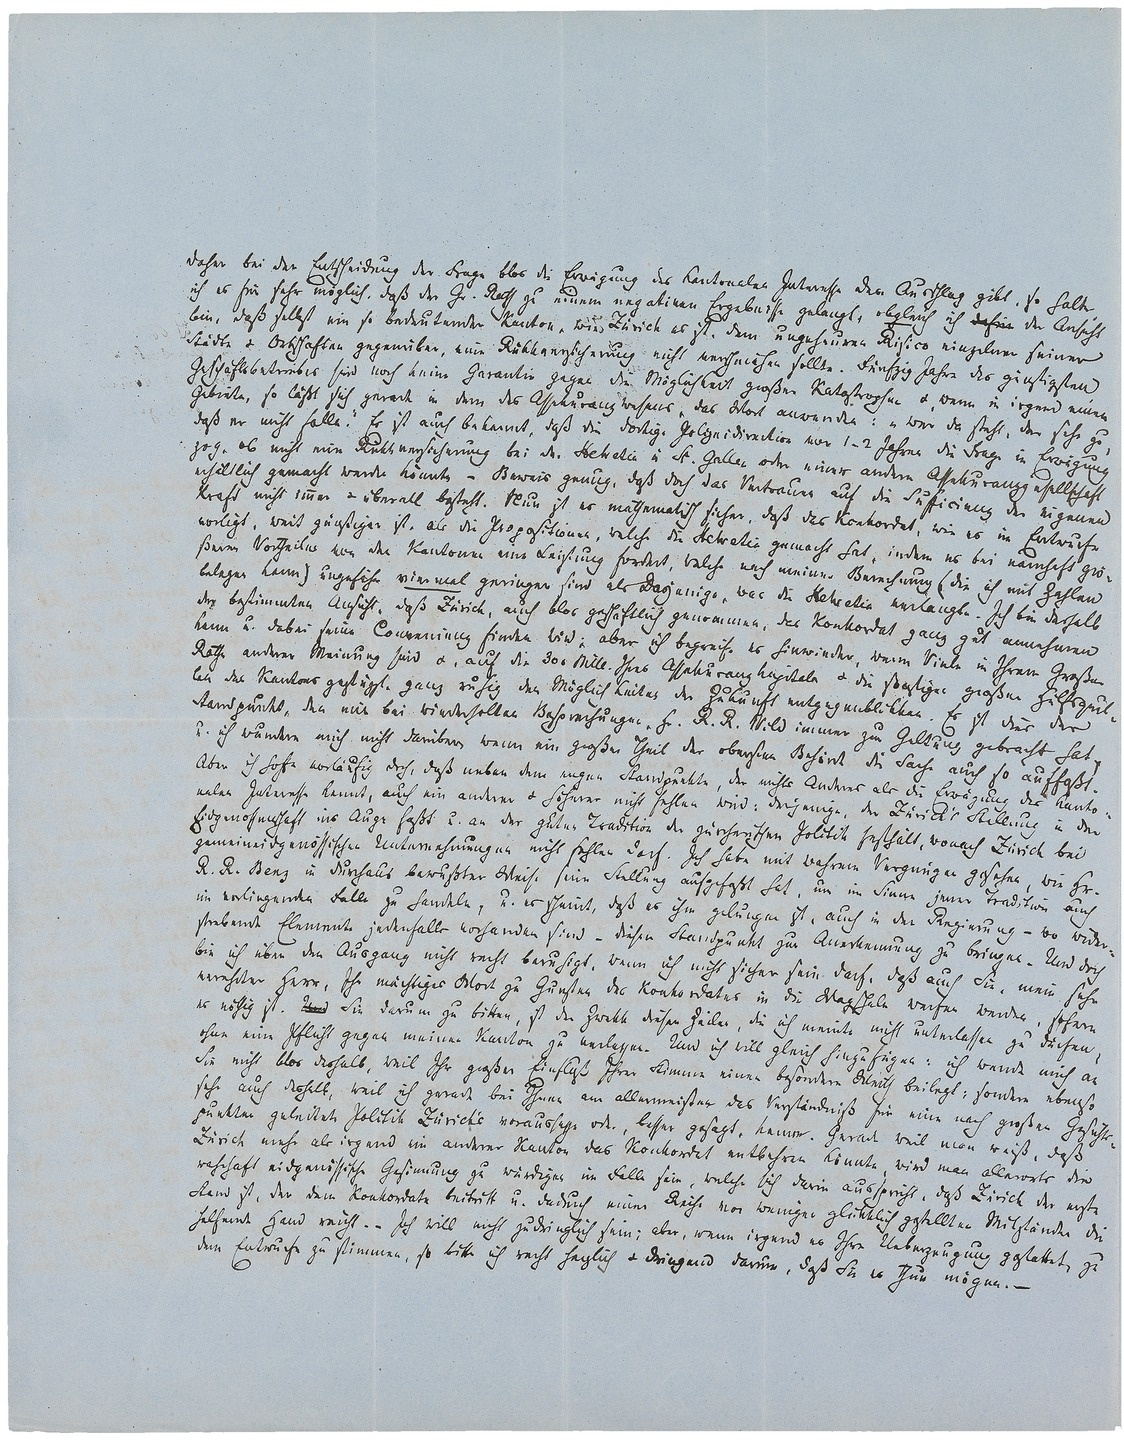daher bei der Entscheidung der Frage blos die Erwägung des Cantonalen Interesse den Ausschlag gibt, so halte
ich es für sehr möglich, daß der Gr. Rath zu einem negativen Ergebnisse gelangt, obgleich ich der Ansicht
bin, daß selbst ein so bedeutender Kanton, wie Zürich es ist, dem ungeheuren Risico einzelner seiner
Städte & Ortschaften gegenüber, eine Rükkversicherung nicht verschmähen sollte. Fünfzig Jahre des günstigsten
Geschäftsbetriebes sind noch keine Garantie gegen die Möglichkeit großer Katastrophen &, wenn in irgend einem
Gebiete, so läßt sich gerade in dem des Assekuranzwesens, das Wort anwenden: «wer da steht, der sehe zu,
daß er nicht falle.» Es ist auch bekannt, daß die dortige Polizeidirection vor 1–2 Jahren die Frage in Erwägung
zog, ob nicht eine Rükkversicherung bei der Helvetia in St.Gallen oder einer andern Assekuranzgesellschaft
erhältlich gemacht werden könnte ­ Beweis genug, daß doch das Vertrauen auf die Sufficienz der eigenen
Kraft nicht immer & überall besteht. Nun ist es mathematisch sicher, daß das Konkordat, wie es im Entwurfe
vorliegt, weit günstiger ist, als die Propositionen, welche die Helvetia gemacht hat, indem es bei namhaft grö-
ßeren Vortheilen von den Kantonen eine Leistung fordert, welche nach meiner Berechnung (die ich mit Zahlen
belegen kann) ungefähr viermal geringer sind als Dasjenige, was die Helvetia verlangte. Ich bin deshalb
der bestimmten Ansicht, daß Zürich, auch blos geschäftlich genommen, das Konkordat ganz gut annehmen
kann u. dabei seine Convenienz finden wird, aber ich begreife es hinwieder, wenn Viele in Ihrem Großen
Rathe andrer Meinung sind &, auf die 300 Mill. Ihres Assekuranzkapitals & die sonstigen großen Hilfsquel-
len des Kantons gestützt, ganz ruhig den Möglichkeiten der Zukunft entgegenblikken. Es ist dies der
Standpunkt, den mir bei wiederholten Besprechungen, Hr. R.R. Wild immer zur Geltung gebracht hat,
u. ich wundre mich nicht darüber, wenn ein großer Theil der obersten Behörde die Sache auch so auffaßt.
Aber ich hoffe vorläufig doch, daß neben dem regen Standpunkte, der nichts Anderes als die Erwägung der Kanto-
nalen Interesse kennt, auch ein anderer & höherer nicht fehlen wird: derjenige, der Zürich's Stellung in der
Eidgenossenschaft ins Auge faßt u. an der guten Tradition der zürcherischen Politik festhält, wonach Zürich bei
gemeineidgenössischen Unternehmungen nicht fehlen darf. Ich habe mit wahrem Vergnügen gesehen, wie Hr.
R.R. Benz in durchaus bewußter Weise seine Stellung aufgefaßt hat, um im Sinne jener Tradition auch
im vorliegenden Falle zu handeln, u. es scheint, daß es ihm gelungen ist, auch in der Regierung – wo wider-
strebende Elemente jedenfalls vorhanden sind ­ diesen Standpunkt zur Anerkennung zur bringen. Und doch
bin ich über den Ausgang nicht recht beruhigt, wenn ich nicht sicher sein darf, daß auch Sie, mein sehr
verehrter Herr, Ihr mächtiges Wort zu Gunsten des Konkordates in die Wagschale werfen werden, sofern
es nöthig ist. Sie darum zu bitten, ist der Zwekk dieser Zeilen, die ich meinte nicht unterlassen zu dürfen,
ohne eine Pflicht gegen meinen Kanton zu verletzen. Und ich will gleich hinzufügen: ich wende mich an
Sie nicht blos deshalb, weil Ihr großer Einfluß Ihrer Stimme einen besondren Werth beilegt, sondern ebenso
sehr auch deshalb, weil ich gerade bei Ihnen am allermeisten das Verständniß für eine nach großen Gesichts-
punkten geleitete Politik Zürich's voraussage oder, besser gesagt, kenne. Gerade weil man weiß, daß
Zürich mehr als irgend ein andrer Kanton das Konkordat entbehren könnte, wird man allerorts die
wahrhaft eidgenössische Gesinnung zu würdigen im Falle sein, welche sich darin ausspricht, daß Zürich der erste
Stand ist, der dem Konkordate beitritt u. dadurch einer Reihe von weniger glükklich gestellen Mißständen die
helfende Hand reicht. – Ich will nicht zudringlich sein; aber, wenn irgend es Ihre Ueberzeugung gestattet, zu
dem Entwurfe zu stimmen, so bitte ich recht herzlich & dringend darum, daß sie es thun mögen. –